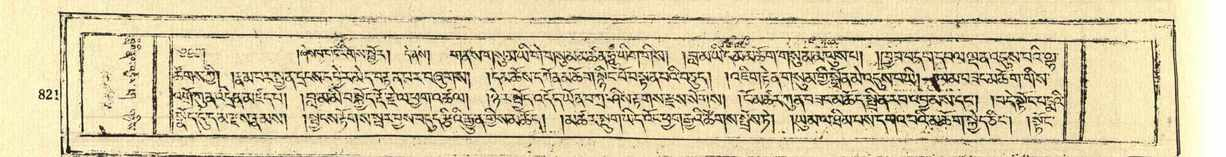༄༅༅། །ཞེས་པ་གང་རིགས་སྦྱོར། དེ་ནས།  གནས་གསུམ་ཡི་གེ་གསུམ་མཚན་ཧཱུཾ་ཡིག་གིས། །བླ་མ་ཡི་དམ་མཆོག་གསུམ་མ་ལུས་པ། །ཁྱབ་བདག་དཔལ་ལྡན་འདུས་པའི་ལྷ་
ཚོགས་ཀྱི། །རྣམ་པར་སྤྱན་དྲངས་དབྱེར་མེད་བརྟན་པར་བཞུགས། །དམ་ཆོས་དཀོན་མཆོག་སྙིང་པོ་བསྟན་པའི་བཅུད། །འཇིག་རྟེན་གསུམ་གྱི་སྒྲོན་མེ་འདུས་པ་ཡི། །ལམ་བཟང་མཆོག་གིས་
འགྲོ་ཀུན་འདྲེན་མཛད་པ། །བླ་མ་མི་བསྐྱོད་རྡོ་རྗེ་ལ་ཕྱག་འཚལ། །ཉེར་སྦྱོད་འདོད་ཡོན་བཀྲ་ཤིས་རྟགས་རྫས་སོགས། །ངོ་མཚར་ཀུན་བཟང་མཆོད་སྤྲིན་རབ་འབྱམས་དང་། །བདེ་སྟོང་པདམའི་
སྣོད་དུ་དམ་རྫས་རྣམས། །སྦྱངས་རྟོགས་སྦར་བྱས་བདུད་རྩིའི་རྒྱུན་གྱིས་མཆོད། །མཚར་སྡུག་ཡིད་འོང་ཕྱག་རྒྱའི་ཚོགས་སྤྲོས་ཏེ། །ཡུམ་ལ་ཐིམ་པས་དགའ་བའི་མཆོག་སྐྱེད་ཅིང་། །སྟོང་